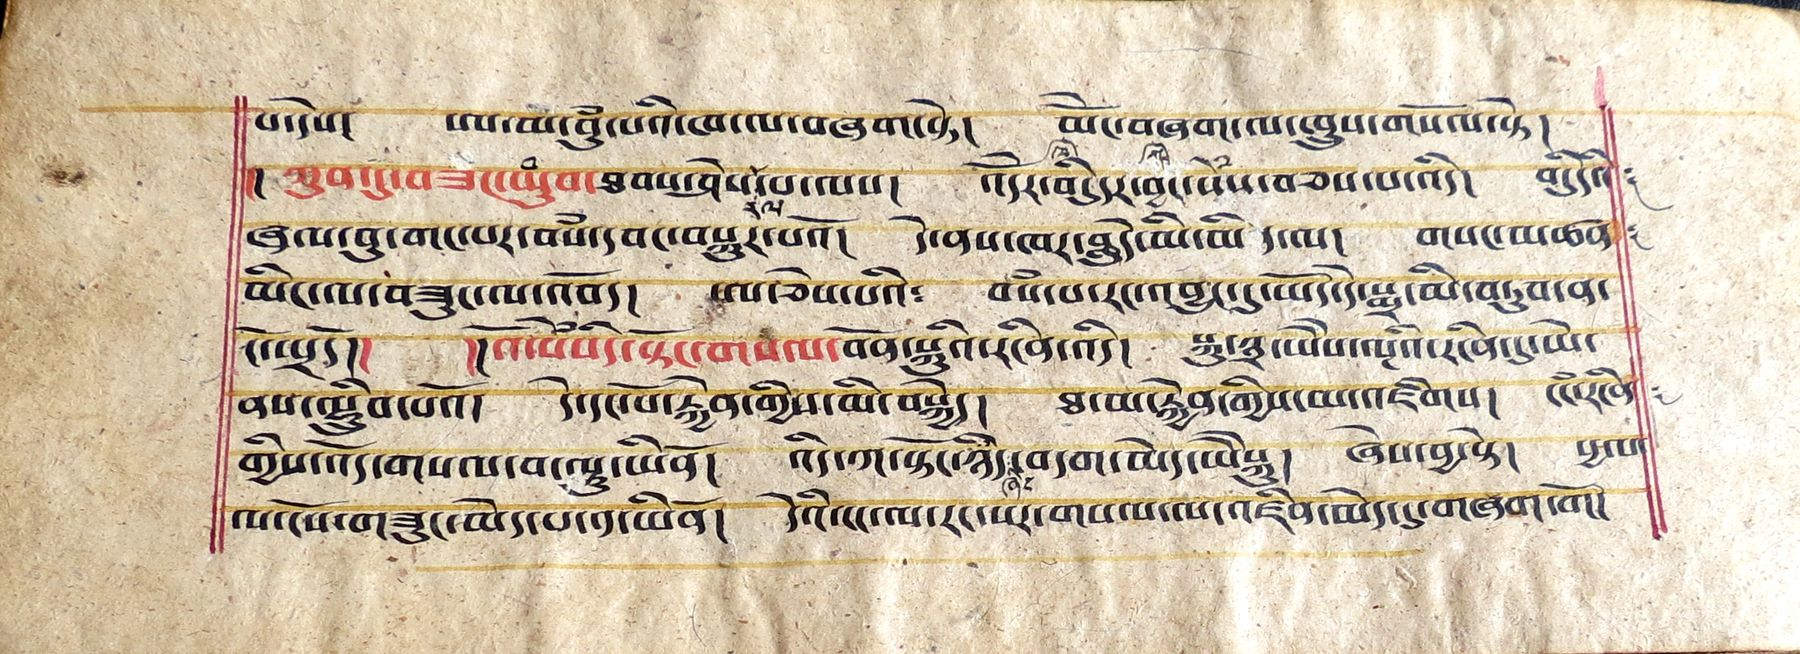བ་དེས། .ཨ་མ་བུམ་པའི་ཁ་ལ་བཞག་སྟེ། .མེ་ལོང་བསྟན་ལ་ཁྲུས་གསོལ་ཏེ། 
།། ཀུན་བཟང་ཡབ་ཡུམ་ཐབས་ཤེས་རོལ་པ་ལས། འོད་ཟེར་བྱང་སེམས་བདུད་རྩི་བཅས་པ་དེ། བདུད་རྩི་
ཞལ་བུ་གང་པར་བསམ་ལ། དེས་དབང་བསྐུར་རོ། ། དེ་ནས་ཁར་བླུད་དེ་མི་མིད་ལ། གསང་མཚན་
མིང་ནས་བཟུང་ལ་འབོད། ཨ་ཞེས་པ་བསམ་པ་རང་འབྱུང་དུ་ཡོད་པ་དེ་སྨྲ་མ་བཏུབ་ན་
ངོ་སྤྲད་དོ། ། འོ་སེམས་ཉིད་སྟོང་གསལ་བོན་སྐུའི་རང་བཞིན་འདི། སྐུ་གསུམ་ཡེ་ཤེས་ལྔའི་རང་བཞིན་དུ་ཡེ་
ནས་ལྷུན་གྱིས་གྲུབ་པའོ། ། དེ་དང་པོ་རྒྱུ་ཡིས་མ་བསྐྱེད། ཐ་མ་རྐྱེན་གྱིས་མི་འཇིག། ངང་ངམ་རང་བཞིན་
གྱིས་འོད་གསལ་ཨ་ལྟ་བུ་ཡིན། འདི་ཀ་ལ་སྟོང་ཞིང་བདག་མེད་ཡེ་ཤེས་ཀྱི་སྐུ་ཞེས་བྱ་སྟེ། གསལ་
ལ་ངོས་བཟུང་མེད་པ་ཞིག་ཡིན་ནོ། ། དེའི་ངང་ལ་རང་གསལ་འཛིན་མེད་དུ་བཞག་གོ།